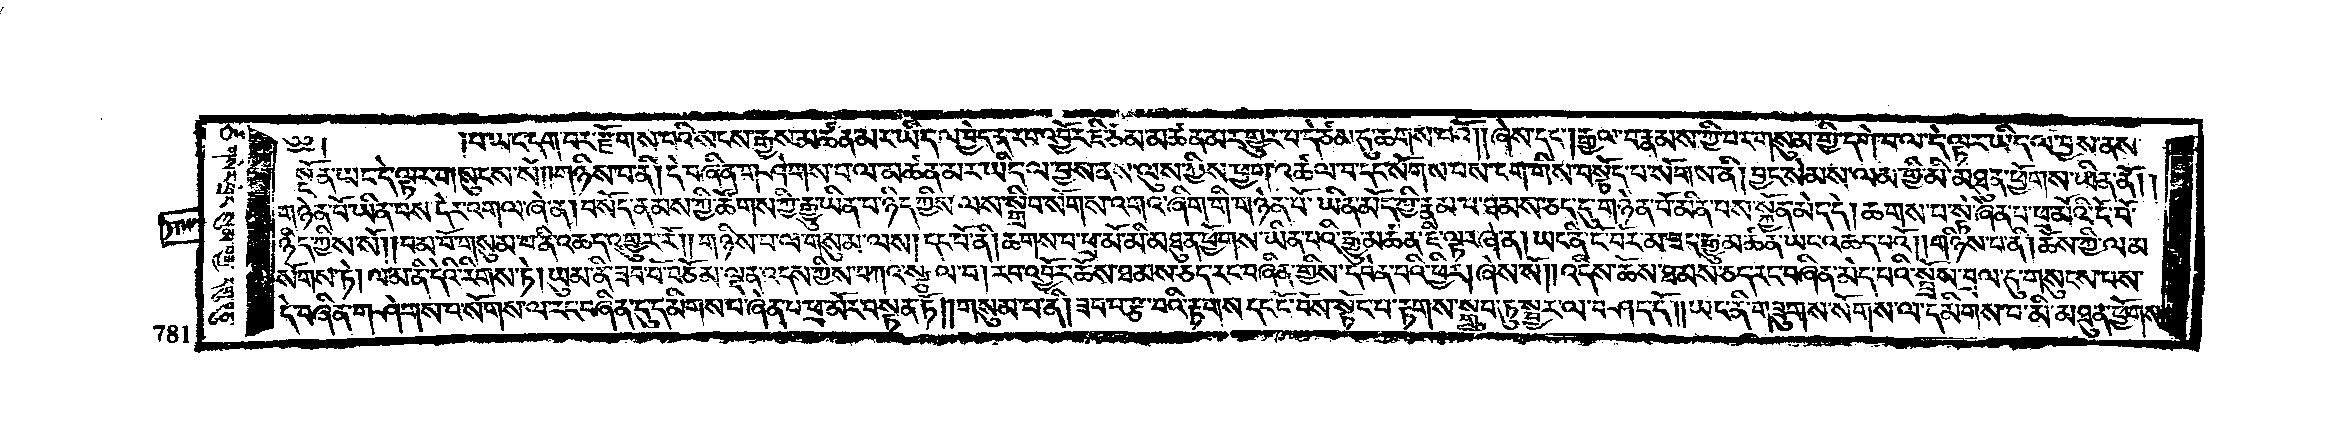༄༅། །པ་ཡང་དག་པར་རྫོགས་པའི་སངས་རྒྱས་མཚན་མར་ཡིད་ལ་བྱེད་ན་རབ་འབྱོར་ཇི་ཙམ་མཚན་མར་གྱུར་པ་དེ་ཙམ་དུ་ཆགས་པའོ། །ཞེས་དང་། རྒྱལ་བ་རྣམས་ཀྱི་བར་གསུམ་གྱི་དགེ་བ་ལ་དེ་ལྟར་ཡིད་ལ་བྱས་ནས་
སྔོན་ཡང་དེ་ལྟར་གསུངས་སོ། །གཉིས་པ་ནི། དེ་བཞིན་གཤེགས་པ་ལ་མཚན་མར་ཡིད་ལ་བྱས་ནས་ལུས་ཀྱིས་ཕྱག་འཚལ་བ་དང་སོགས་པས་ངག་གིས་བསྟོད་པ་སོགས་ནི། བྱང་སེམས་ལམ་གྱི་མི་མཐུན་ཕྱོགས་ཡིན་ནོ། །
གཉེན་པོ་ཡིན་པས་དེར་འགལ་ཞེ་ན། བསོད་ནམས་ཀྱི་ཚོགས་ཀྱི་རྒྱུ་ཡིན་པ་ཉིད་ཀྱིས་ལས་སྒྲིབ་སོགས་འགའ་ཞིག་གི་གཉེན་པོ་ཡིན་མོད་ཀྱི་རྣམ་པ་ཐམས་ཅད་དུ་གཉེན་པོ་མིན་པས་སྐྱོན་མེད་དེ། ཆགས་པ་སྟེ་ཞེན་པ་ཕྲ་མོའི་ངོ་བོ་
ཉིད་ཀྱིས་སོ། །བམ་པོ་གསུམ་པ་ནི་འཆད་འགྱུར་རོ། །གཉིས་པ་ལ་གསུམ་ལས། དང་པོ་ནི། ཆགས་པ་ཕྲ་མོ་མི་མཐུན་ཕྱོགས་ཡིན་པའི་རྒྱུ་མཚན་ཇི་ལྟར་ཞེ་ན། ཡང་ནི་ངོ་བོར་མ་ཟད་རྒྱུ་མཚན་ཡང་འཆད་པའོ། །གཉིས་པ་ནི། ཆོས་ཀྱི་ལམ་
སོགས་ཏེ། ལམ་ནི་དེའི་རིགས་ཏེ། ཡུམ་ནི་ཟབ་བོ་བཅོམ་ལྡན་འདས་ཀྱིས་བཀའ་སྩལ་བ། རབ་འབྱོར་ཆོས་ཐམས་ཅད་རང་བཞིན་གྱིས་དབེན་པའི་ཕྱིར། ཞེས་སོ། །འདིས་ཆོས་ཐམས་ཅད་རང་བཞིན་མེད་པའི་སྤྲོས་བྲལ་དུ་གསུངས་པས་
དེ་བཞིན་གཤེགས་པ་སོགས་ལ་རང་བཞིན་དུ་དམིགས་པ་ཞེན་པ་ཕྲ་མོར་བསྟན་ཏོ། །གསུམ་པ་ནི། ཟབ་པ་རྩ་བའི་རྟགས་དང་ངོ་བོས་སྟོང་པ་རྟགས་སྒྲུབ་ཏུ་སྦྱར་ལ་བཤད་དོ། །ཡང་ནི་གཟུགས་སོགས་ལ་དམིགས་པ་མི་མཐུན་ཕྱོགས་